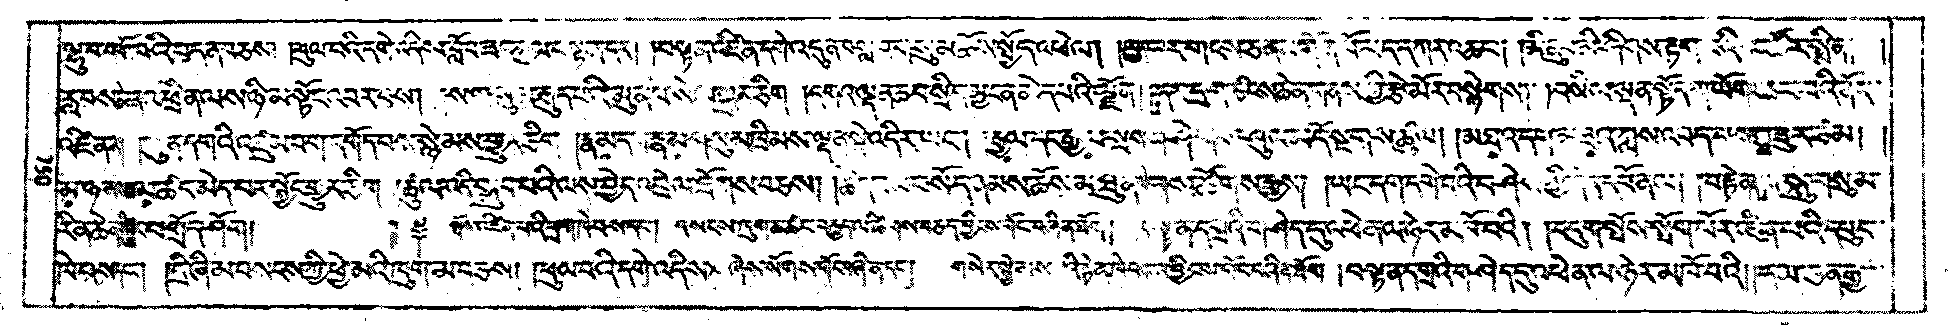ལྷུབ་གཡོ་བའི་བ་དན་བཅས། །ཕུལ་བའི་དགེ་འདིས་བློ་བཟང་རྒྱལ་བསྟན་དར། །བསྟན་འཛིན་དགེ་འདུན་བསླབ་གསུམ་ཆོས་སྤྱོད་འཕེལ། །ཁྱད་པར་གངས་ཅན་མགོན་པོ་པད་དཀར་འཆང་། །མི་ནུབ་མི་ཤིགས་རྟག་པའི་ལང་ཚོར་སྨིན། །
རླབས་ཆེན་འཕྲིན་ལས་ཉི་མ་སྟོང་འབར་བས། །ས་གསུམ་རྒུད་པའི་མུན་པ་སེལ་གྱུར་ཅིག །དགའ་ལྡན་ཆབ་སྲིད་མྱ་ངན་མེད་པའི་ལྗོན། །དར་དྲག་ཚངས་ཆེན་གནས་ཀྱི་རྩེ་མོར་བསྙེགས། །བསིལ་ལྡན་སྟོད་གཡོག་འཆང་བའི་ནོར་
འཛིན་མ། །ཀུན་དགའི་འཛུམ་བག་དགོད་པས་སྙེམས་གྱུར་ཅིག །རྣམ྾་དག་རྣམ྾་གསུམ་ཁྲིམས་ལྡན་སྡེ་འདིར་ཡང་། །རྒྱལ྾་དང་རྒྱལ྾་སྲས་གཤེགས་ཤུལ་མདོ་སྔགས་ཚུལ། །མཐའ྾་དག་མཐའ྾་ཀླས་འབད་པས་གྲྭ་ཟུར་ཙམ། །
མ྾་ཉམས་མ྾་ཚང་མེད་པར་སྐྱོང་གྱུར་ཅིག །ཚུལ་འདི་སྒྲུབ་པའི་ལས་བྱེད་འབྲེལ་ཐོགས་བཅས། །ཚེ་དཔལ་བསོད་ནམས་ཆོས་མཐུན་ལེགས་ཚོགས་རྒྱས། །ཡང་དག་དགེ་བའི་བཤེས་ཀྱི་དེད་དཔོན་ལ། །བརྟེན་ནས་སྐུ་གསུམ་
རིན་ཆེན་གླིང་བགྲོད་ཤོག ། །། ༈ སྤོས་འཛིན་པའི་ཕྲག་ཁེབས་དང་། བསངས་ཁུག་ཆ་ཚང་བརྒྱད་ལ་ཚིགས་བཅད་བྱིངས་གོང་བཞིན་ཐོག །  བསྟན་དགྲའི་གཤེད་དུ་འཕེན་ལ་ཉེར་མཁོ་བའི། །བདུག་སྤོས་སྤོག་ཕོར་འཛིན་པའི་དཔུང་
ཁེབས་དང་། །དྲི་ཞིམ་བསངས་ཀྱི་ཕྱེ་མའི་ཁུག་མ་བཅས། །ཕུལ་བའི་དགེ་འདིས་྾་ཞེས་སོགས་གོང་བཞིན་དང་། ༧་གསེར་སྐྱེམས་པའི་རྟེན་ཁེབས་ལ་བྱིངས་གོང་བཞིན་ཐོག །  བསྟན་དགྲའི་གཤེད་དུ་འཕེན་ལ་ཉེར་མཁོ་བའི། །དམ་ཅན་རྒྱ་